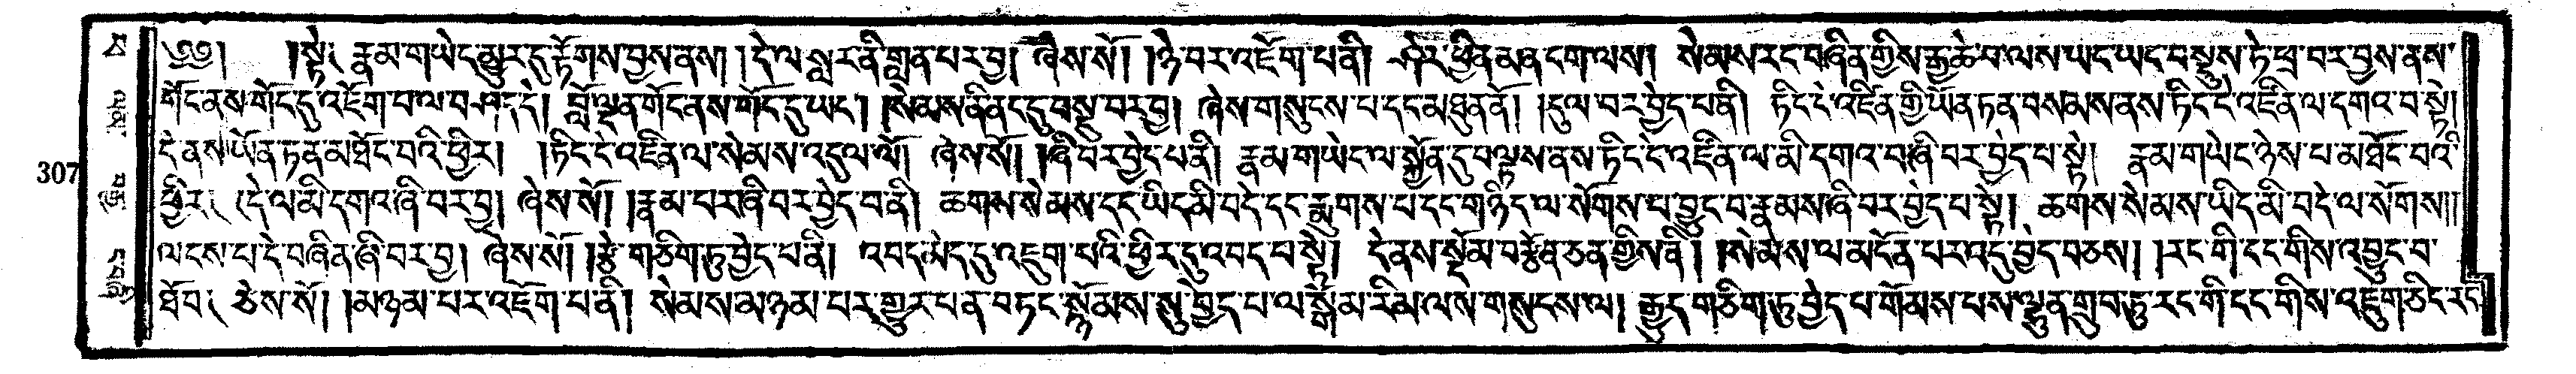༄༅། །སྟེ༑ རྣམ་གཡེང་མྱུར་དུ་རྟོགས་བྱས་ནས། །དེ་ལ་སླར་ནི་གླན་པར་བྱ། ཞེས་སོ། །ཉེ་བར་འཇོག་པ་ནི། ཤེར་ཕྱིན་མན་ངག་ལས། སེམས་རང་བཞིན་གྱིས་རྒྱ་ཆེ་བ་ལས་ཡང་ཡང་བསྡུས་ཏེ་ཕྲ་བར་བྱས་ནས་
གོང་ནས་གོང་དུ་འཇོག་པ་ལ་བཤད་དེ། བློ་ལྡན་གོང་ནས་གོང་དུ་ཡང་། །སེམས་ནི་ནང་དུ་བསྡུ་བར་བྱ། ཞེས་གསུངས་པ་དང་མཐུན་ནོ། །དུལ་བར་བྱེད་པ་ནི། ཏིང་ངེ་འཛིན་གྱི་ཡོན་ཏན་བསམས་ནས་ཏིང་ངེ་འཛིན་ལ་དགའ་བ་སྟེ།
དེ་ནས་ཡོན་ཏན་མཐོང་བའི་ཕྱིར། །ཏིང་ངེ་འཛིན་ལ་སེམས་འདུལ་ལོ། ཞེས་སོ། ཞི་བར་བྱེད་པ་ནི། རྣམ་གཡེང་ལ་སྐྱོན་དུ་བལྟས་ནས་ཏིང་ངེ་འཛིན་ལ་མི་དགའ་བ་ཞི་བར་བྱེད་པ་སྟེ། རྣམ་གཡེང་ཉེས་པ་མཐོང་བའི་
ཕྱིར༑ ༑དེ་ལ་མི་དགའ་ཞི་བར་བྱ། ཞེས་སོ། །རྣམ་པར་ཞི་བར་བྱེད་བ་ནི། ཆགས་སེམས་དང་ཡིད་མི་བདེ་དང་རྨུགས་པ་དང་གཉིད་ལ་སོགས་པ་བྱུང་བ་རྣམས་ཞི་བར་བྱེད་པ་སྟེ། ཆགས་སེམས་ཡིད་མི་བདེ་ལ་སོགས།།
ལངས་པ་དེ་བཞིན་ཞི་བར་བྱ། ཞེས་སོ། །རྩེ་གཅིག་ཏུ་བྱེད་པ་ནི། འབད་མེད་དུ་འཇུག་པའི་ཕྱིར་དུ་འབད་པ་སྟེ། དེ་ནས་སྡོམ་བརྩོན་ཅན་གྱིས་ནི། །སེམས་ལ་མངོན་པར་འདུ་བྱེད་བཅས། །རང་གི་ངང་གིས་འབྱུང་བ་
ཐོབ༑ ཅེས་སོ། །མཉམ་པར་འཇོག་པ་ནི། སེམས་མཉམ་པར་གྱུར་པ་ན་བཏང་སྙོམས་སུ་བྱེད་པ་ལ་སྒོམ་རིམ་ལས་གསུངས་ལ། རྒྱུད་གཅིག་ཏུ་བྱེད་པ་གོམས་པས་ལྷུན་གྲུབ་ཏུ་རང་གི་ངང་གིས་འཇུག་ཅིང་རང་